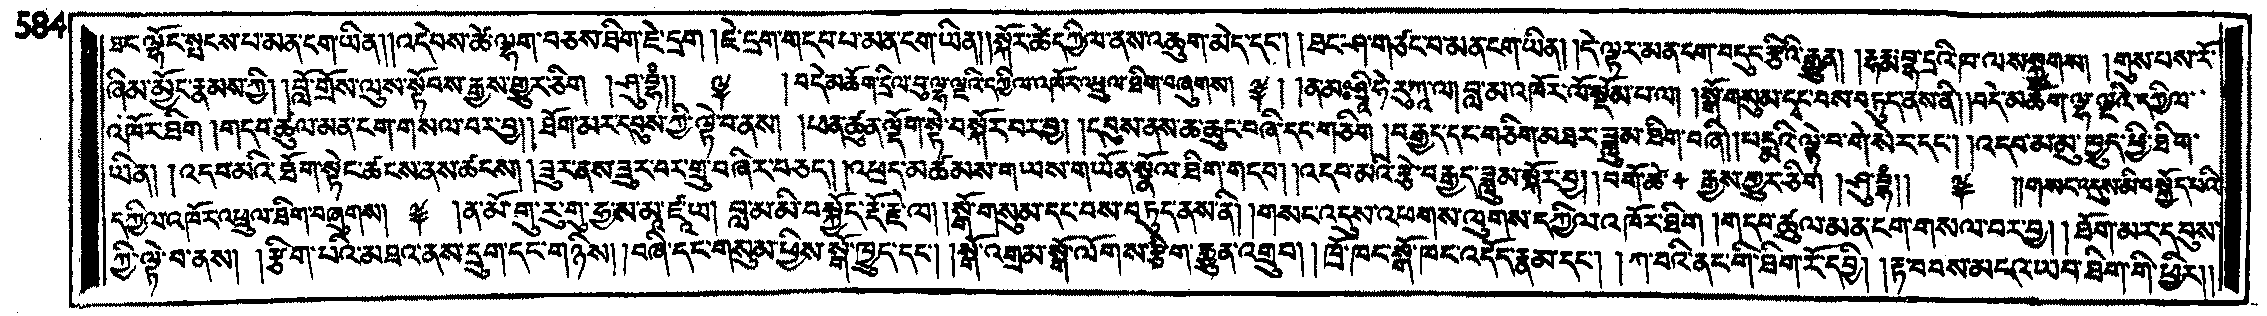ཐང་ལྷོང་སྤངས་པ་མན་ངག་ཡིན། །འདེབས་ཚེ་ལྷག་བཅས་ཐིག་ཇེ་དྲག །ཇེ་དྲག་གདབ་པ་མན་ངག་ཡིན། །སྐོར་ཚེ་དཀྱིལ་ནས་འཆུག་མེད་དང་། །ཐང་ཤ་གཙང་བ་མན་ངག་ཡིན། །དེ་ལྟར་མན་ངག་བདུད་རྩིའི་རྒྱུན། །རྷརྨ་བྷ་དྲའི་ཁ་ལས་སྐྱུགས། །གུས་པས་རོ་
ཞིམ་མྱོང་རྣམས་ཀྱི། །བློ་གྲོས་ལུས་སྟོབས་རྒྱས་གྱུར་ཅིག །ཤུ་བྷཾ།། འ་།བདེ་མཆོག་དྲིལ་བུ་ལྷ་ལྔའི་དཀྱིལ་འཁོར་འཕྲུལ་ཐིག་བཞུགས། འ་། །ན་མཿཤྲཱི་ཧེ་རུ་ཀཱ་ལ། བླ་མ་འཁོར་ལོ་སྡོམ་པ་ལ། །སྒོ་གསུམ་དྭང་བས་བཏུད་ནས་ནི། །བདེ་མཆོག་ལྷ་ལྔའི་དཀྱིལ་་་
འཁོར་ཐིག །གདབ་ཚུལ་མན་ངག་གསལ་བར་བྱ། །ཐོག་མར་དབུས་ཀྱི་ལྟེ་བ་ནས། །ཕན་ཚུན་ལྡོག་སྟེ་བསྐོར་བར་བྱ། །དབུས་ནས་ཆ་ཆུང་བཞི་དང་གཅིག །བརྒྱད་དང་གཅིག་མཐར་ཟླུམ་ཐིག་བཞི། །པདམའི་ལྟེ་བ་གེ་སེར་དང་། །འདབ་མ་མུ་ཁྱུད་ཕྱི་ཐིག་
ཡིན། །འདབ་མའི་ཐོག་སྟེང་ཚངས་ནས་ཚངས། །ཟུར་ནས་ཟུར་བར་གྲུ་བཞིར་བཅད། །འཕྲད་མཚམས་གཡས་གཡོན་སྣོལ་ཐིག་གདབ། །འདབ་མའི་རྩེ་བརྒྱད་ཟླུམ་སྐོར་བྱ། །བགོ་ཚེ་+་རྒྱས་གྱུར་ཅིག །ཤུ་བྷཾ།། འ་།།གསང་འདུས་མི་བསྐྱོད་པའི་
དཀྱིལ་འཁོར་འཕྲུལ་ཐིག་བཞུགས། འ་།ན་མོ་གུ་རུ་གུ་ཧྱ་ས་མཱ་ཛཱ་ཡ། བླ་མ་མི་བསྐྱོད་རྡོ་རྗེ་ལ། །སྒོ་གསུམ་དང་བས་བཏུད་ནས་ནི། །གསང་འདུས་འཕགས་ལུགས་དཀྱིལ་འཁོར་ཐིག །གདབ་ཚུལ་མན་ངག་གསལ་བར་བྱ། །ཐོག་མར་དབུས་
ཀྱི་ལྟེ་བ་ནས། །རྩིག་པའི་མཐའ་ནས་དྲུག་དང་གཉིས། །བཞི་དང་གསུམ་ཕྱིས་སྒོ་ཁྱུད་དང་། །སྒོ་འགྲམ་སྒོ་ལོགས་རྩིག་རྒྱུན་འགྲུབ། །ཁྲོ་ཁང་སྒོ་ཁང་འདོད་རྣམ་དང་། །ཀ་བའི་ནང་གི་ཐིག་རོ་དབྱི། །རྟ་བབས་མངའ་ཡབ་ཐིག་གི་ཕྱིར།།